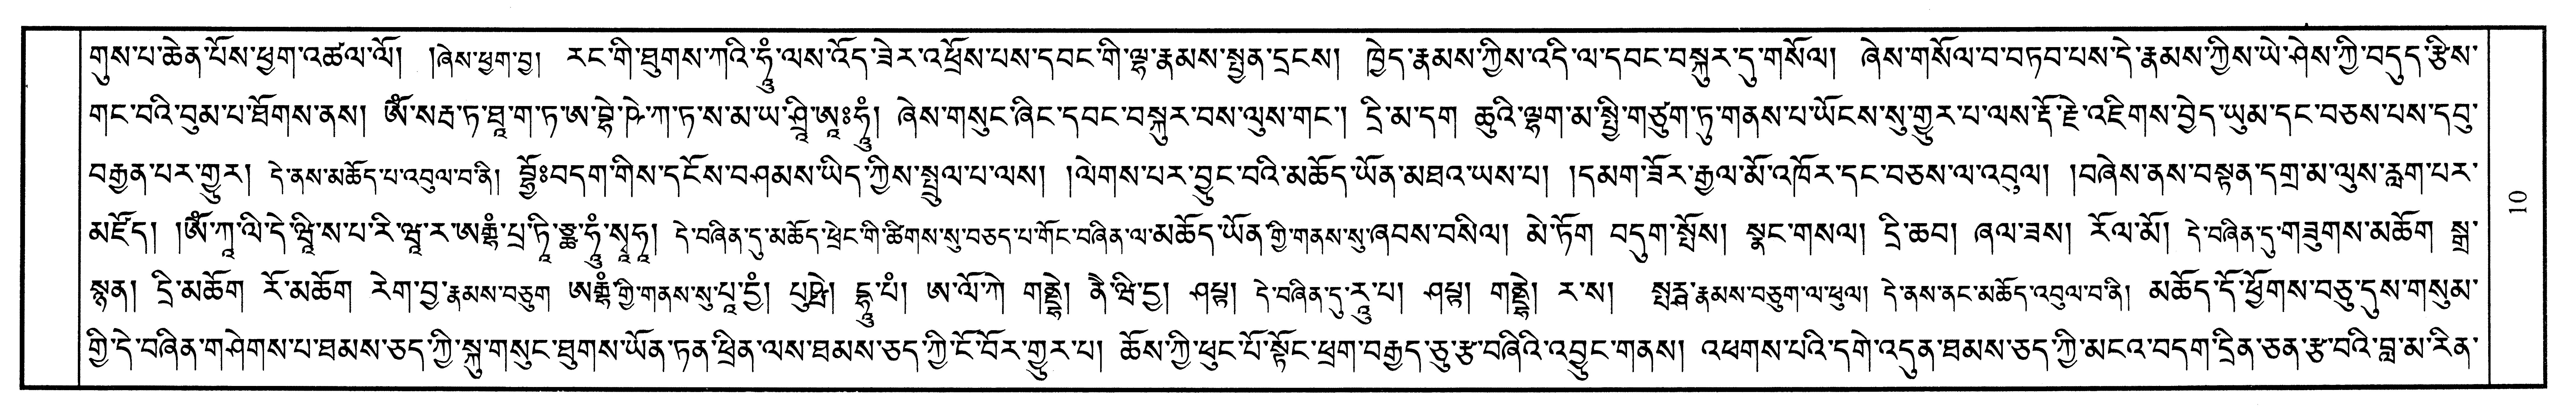གུས་པ་ཆེན་པོས་ཕྱག་འཚལ་ལོ། །ཞེས་ཕྱག་བྱ། རང་གི་ཐུགས་ཀའི་ཧཱུཾ་ལས་འོད་ཟེར་འཕྲོས་པས་དབང་གི་ལྷ་རྣམས་སྤྱན་དྲངས། ཁྱེད་རྣམས་ཀྱིས་འདི་ལ་དབང་བསྐུར་དུ་གསོལ། ཞེས་གསོལ་བ་བཏབ་པས་དེ་རྣམས་ཀྱིས་ཡེ་ཤེས་ཀྱི་བདུད་རྩིས་
གང་བའི་བུམ་པ་ཐོགས་ནས། ཨོཾ་སརྦ་ཏ་ཐཱ་ག་ཏ་ཨ་བྷེ་ཥེ་ཀ་ཏ་ས་མ་ཡ་ཤྲཱི་ཨཱཿ ཧཱུཾ། ཞེས་གསུང་ཞིང་དབང་བསྐུར་བས་ལུས་གང་། །དྲི་མ་དག་ཆུའི་ལྷག་མ་སྤྱི་གཙུག་ཏུ་གནས་པ་ཡོངས་སུ་གྱུར་པ་ལས་རྡོ་རྗེ་འཇིགས་བྱེད་ཡུམ་དང་བཅས་པས་དབུ་
བརྒྱན་པར་གྱུར། དེ་ནས་མཆོད་པ་འབུལ་བ་ནི། བྷྱོཿ བདག་གིས་དངོས་བཤམས་ཡིད་ཀྱིས་སྤྲུལ་པ་ལས། །ལེགས་པར་བྱུང་བའི་མཆོད་ཡོན་མཐའ་ཡས་པ། །དམག་ཟོར་རྒྱལ་མོ་འཁོར་དང་བཅས་ལ་འབུལ། །བཞེས་ནས་བསྟན་དགྲ་མ་ལུས་རླག་པར་
མཛོད། །ཨོཾ་ཀཱ་ལི་དེ་ཝཱི་ས་པ་རི་ཝཱ་ར་ཨརྒྷཾ་པྲ་ཏཱི་ཙྪ་ཧཱུཾ་སྭཱཧཱ། དེ་བཞིན་དུ་མཆོད་ཕྲེང་གི་ཚིགས་སུ་བཅད་པ་གོང་བཞིན་ལ་མཆོད་ཡོན་གྱི་གནས་སུ་ཞབས་བསིལ། མེ་ཏོག་བདུག་སྤོས། སྣང་གསལ། དྲི་ཆབ། ཞལ་ཟས། རོལ་མོ། དེ་བཞིན་དུ་གཟུགས་མཆོག་སྒྲ་
སྙན། དྲི་མཆོག་རོ་མཆོག་རེག་བྱ་རྣམས་བཅུག་ཨརྒྷཾ་གྱི་གནས་སུ་པཱ་དྱཾ། པུཥྤེ། དྷཱུ་པཾ། ཨ་ལོ་ཀེ་གནྡྷེ། ནཻ་ཝི་དྱ། ཤཔྟ། དེ་བཞིན་དུ་རཱུ་པ། ཤཔྟ། གནྡྷེ། ར་ས། སྤརྴ་རྣམས་བཅུག་ལ་ཕུལ། དེ་ནས་ནང་མཆོད་འབུལ་བ་ནི། མཆོད་དོ་ཕྱོགས་བཅུ་དུས་གསུམ་
གྱི་དེ་བཞིན་གཤེགས་པ་ཐམས་ཅད་ཀྱི་སྐུ་གསུང་ཐུགས་ཡོན་ཏན་ཕྲིན་ལས་ཐམས་ཅད་ཀྱི་ངོ་བོར་གྱུར་པ། ཆོས་ཀྱི་ཕུང་པོ་སྟོང་ཕྲག་བརྒྱད་ཅུ་རྩ་བཞིའི་འབྱུང་གནས། འཕགས་པའི་དགེ་འདུན་ཐམས་ལྕད་ཀྱི་མངའ་བདག་དྲིན་ཅན་རྩ་བའི་བླ་མ་རིན་